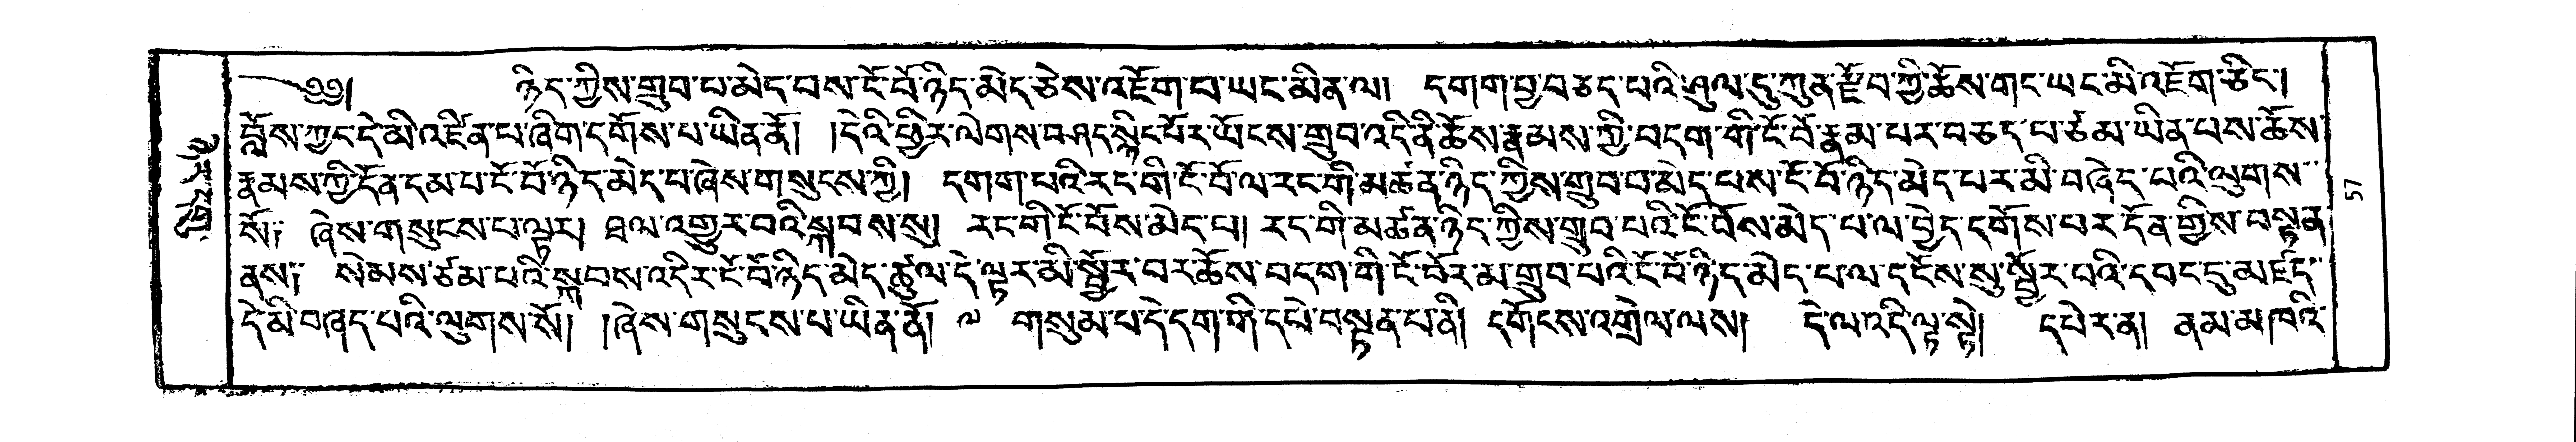༄༅། །ཉིད་ཀྱིས་གྲུབ་བ་མེད་པས་ངོ་བོ་ཉིད་མེད་ཅེས་འཇོག་པ་ཡང་མིན་ལ། དགག་བྱ་བཅད་པའི་ཤུལ་དུ་ཀུན་རྫོབ་ཀྱི་ཆོས་གང་ཡང་མི་འཇོག་ཅིང་།
བློས་ཀྱང་དེ་མི་འཛིན་པ་ཞིག་དགོས་པ་ཡིན་ནོ། །དེའི་ཕྱིར་ལེགས་བཤད་སྙིང་པོར་ཡོངས་གྲུབ་འདི་ནི་ཆོས་རྣམས་ཀྱི་བདག་གི་ངོ་བོ་རྣམ་པར་བཅད་པ་ཙམ་ཡིན་པས་ཆོས་
རྣམས་ཀྱི་དོན་དམ་པ་ངོ་བོ་ཉིད་མེད་པ་ཞེས་གསུངས་སོ། །དགག་པའི་རང་གི་ངོ་བོ་ལ་རང་གི་མཚན་ཉིད་ཀྱིས་གྲུབ་པ་མེད་པས་ངོ་བོ་ཉིད་མེད་པར་མི་བཞེད་པའི་ལུགས་
སོ། ཞེས་གསུངས་པ་ལྟར། ཐལ་འགྱུར་པའི་སྐབས་སུ། རང་གི་ངོ་བོས་མེད་པ། རང་གི་མཚན་ཉིད་ཀྱིས་གྲུབ་པའི་ངོ་བོས་མེད་པ་ལ་བྱེད་དགོས་པར་དོན་གྱིས་བསྟན་
ནས། སེམས་ཙམ་པའི་སྐབས་འདིར་ངོ་བོ་ཉིད་མེད་ཚུལ་དེ་ལྟར་མི་སྦྱོར་བར་ཆོས་བདག་གི་ངོ་བོར་མ་གྲུབ་པའི་ངོ་བོ་ཉིད་མེད་པ་ལ་དངོས་སུ་སྦྱོར་བའི་དབང་དུ་མཛད་
དེ་མི་བཞད་པའི་ལུགས་སོ། །ཞེས་གསུངས་པ་ཡིན་ནོ། ༧་གསུམ་པ་དེ་དག་གི་དཔེ་བསྟན་པ་ནི། དགོངས་འགྲེལ་ལས། དེ་ལ་འདི་ལྟ་སྟེ། དཔེར་ན། ནམ་མཁའི་